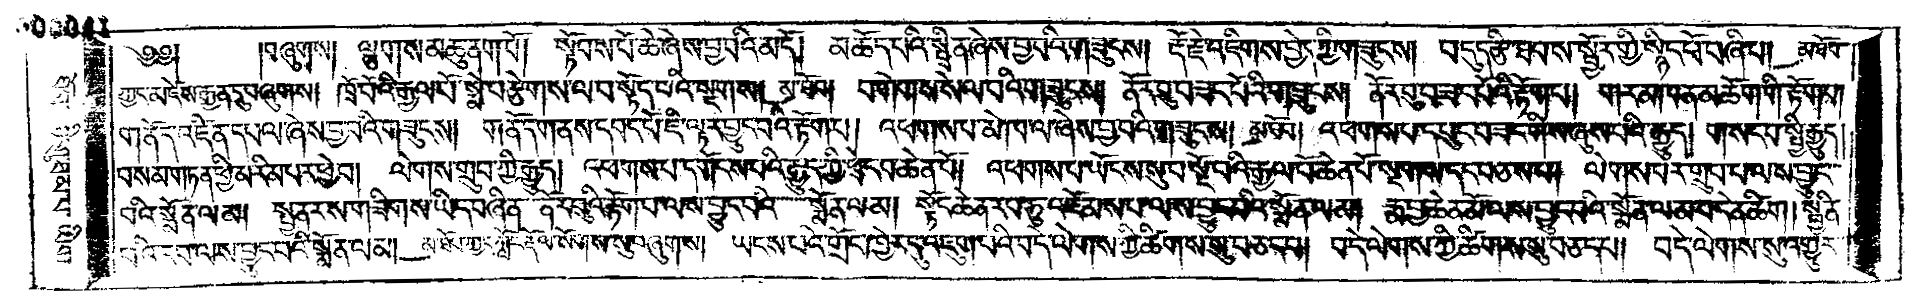༄༅། །བཞུགས། ལྕགས་མཆུ་ནག་པོ། སྟོབས་པོ་ཆེ་ཞེས་བྱ་བའི་མདོ། མཆོད་པའི་སྤྲིན་ཞེས་བྱ་བའི་གཟུངས། རྡོ་རྗེའི་འཇིགས་བྱེད་ཀྱི་གཟུངས། བདུད་རྩི་ཐབས་སྦྱོར་གྱི་སྙིང་པོ་བཞི་པ། མ་ཐོབ་
ཀྱང་མཛེས་རྒྱན་དུ་བཞུགས། ཁྲོ་བོའི་རྒྱལ་པོ་སྨེ་བརྩེགས་ལ་བསྟོད་པའི་སྔགས། མ་ཐོབ།  བགེགས་སེལ་བའི་གཟུངས། ནོར་བུ་བཟང་པོའི་གཟུངས། ནོར་བུ་བཟང་པོའི་རྟོག་པ། གར་མཁན་མཆོག་གི་རྟོག་པ།
གནོད་འཛིན་དཔལ་ཞེས་བྱ་བའི་གཟུངས། གནོད་གནས་དབང་པོ་ཇི་ལྟར་བྱུང་བའི་རྟོག་པ། འཕགས་པ་མེ་ཁ་ལ་ཞེས་བྱ་བའི་གཟུངས་མ་ཐོབ།  འཕགས་པ་དཔུང་བཟང་གིས་ཞུས་པའི་རྒྱུད། གསང་བ་སྤྱི་རྒྱུད།
བསམ་གཏན་ཕྱི་མ་རིམ་པར་ཕྱེ་བ། ལེགས་གྲུབ་ཀྱི་རྒྱུད། འཕགས་པ་དགོངས་པའི་རྒྱུད་ཀྱི་ཕྲེང་བ་ཆེན་པོ། འཕགས་པ་ཡོངས་སུ་བསྔོ་བའི་རྒྱལ་བོ་ཆེན་པོ་སྔགས་དང་བཅས་པ། ལེགས་པར་གྲུབ་པ་ལས་བྱུང་
བའི་སྨོན་ལམ། སྤྱན་རས་གཟིགས་ཡིད་བཞིན་ནོར་བུའི་རྟོག་པ་ལས་བྱུང་བའི་སྨོན་ལམ། སྟོང་ཆེན་རབ་ཏུ་འཇོམས་པ་ལས་བྱུང་བའི་སྨོན་ལམ། རྨ་བྱ་ཆེན་མོ་ལས་བྱུང་བའི་སྨོན་ལམ་བདེན་ཚིག །སྦྱིན་
བའི་རབ་ལས་བྱུང་བའི་སྨོན་ལམ་མ་ཐོབ་ཀྱང་ཀློང་རྡོལ་སོགས་སུ་བཞུགས།  ཡངས་པའི་གྲོང་ཁྱེར་དུ་འཇུག་པའི་བདེ་ལེགས་ཀྱི་ཚིགས་སུ་བཅད་པ། བདེ་ལེགས་ཀྱི་ཚིགས་སུ་བཅད་པ། བདེ་ལེགས་སུ་འགྱུར་